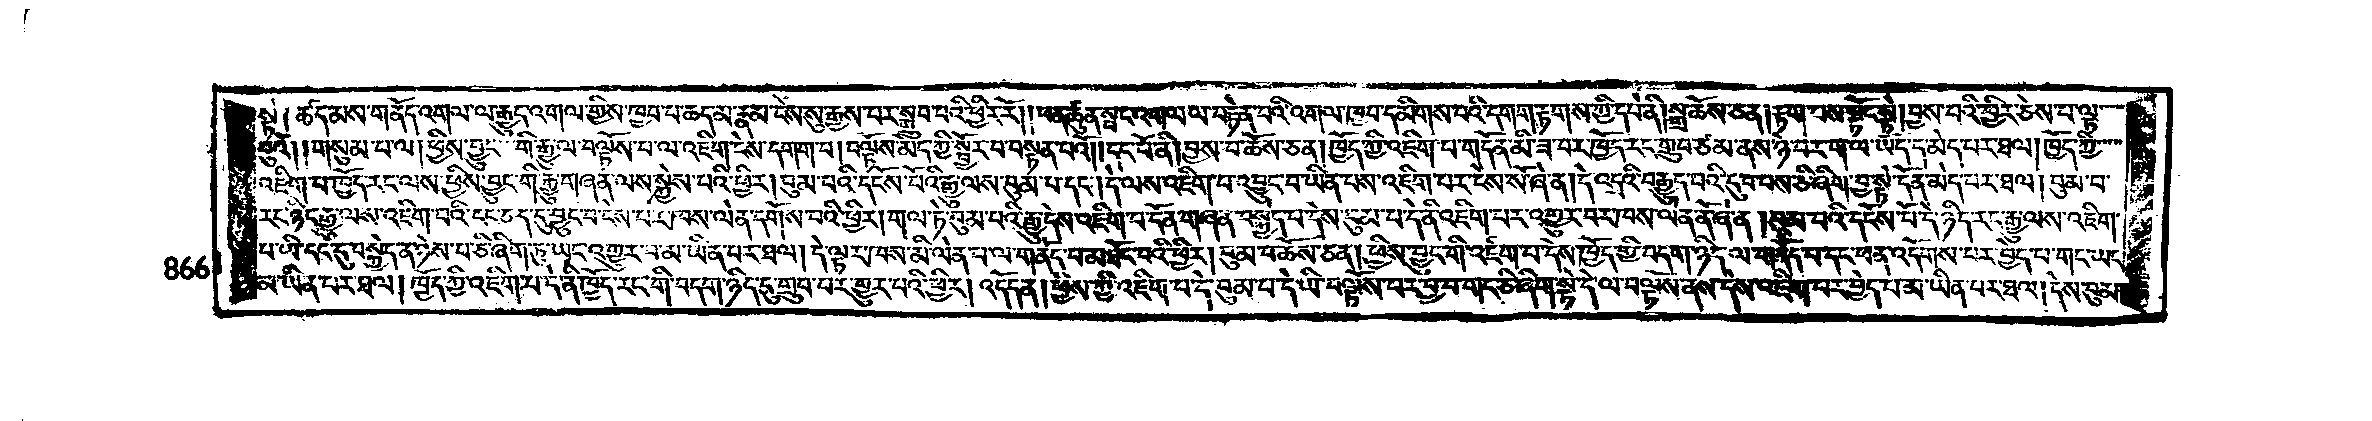སྟེ། ཚད་མས་གནོད་འགལ་ལ་རྒྱུད་འགལ་གྱིས་ཁྱབ་པ་ཚད་མ་རྣམ་ངེས་སུ་རྒྱས་པར་སྒྲུབ་པའི་ཕྱིར་རོ། །ཕན་ཚུན་སྤང་འགལ་ལ་བརྟེན་པའི་འགལ་ཁྱབ་དམིགས་པའི་དགག་རྟགས་ཀྱི་དཔེ་ནི། སྒྲ་ཆོས་ཅན། རྟག་པས་སྟོང་སྟེ། བྱས་པའི་ཕྱིར་ཅེས་པ་ལྟ་
བུའོ། །གསུམ་པ་ལ། ཕྱིས་བྱུང་གི་རྒྱུ་ལ་བལྟོས་པ་ལ་འཇིག་ངེས་དགག་པ། བལྟོས་མེད་ཀྱི་སྦྱོར་བ་བསྟན་པའོ། །དང་པོ་ནི། བྱས་པ་ཆོས་ཅན། ཁྱོད་ཀྱི་འཇིག་པ་གདོན་མི་ཟ་བར་ཁྱོད་རང་གྲུབ་ཙམ་ནས་ཉེ་བར་ག་ལ་ཡོད་དེ་མེད་པར་ཐལ། ཁྱོད་ཀྱི་
འཇིག་པ་ཁྱོད་རང་ལས་ཕྱིས་བྱུང་གི་རྒྱུ་གཞན་ལས་སྐྱེས་པའི་ཕྱིར། བུམ་པའི་དངོས་པོའི་རྒྱུ་ལས་བུམ་པ་དང་། དེ་ལས་འཇིག་པ་འབྱུང་བ་ཡིན་པས་འཇིག་པར་ངེས་སོ་ཞེ་ན། དེ་འདྲའི་བརྒྱུད་བའི་དུ་བ་པས་ཅི་ཞིག་བྱ་སྟེ་དོན་མེད་པར་ཐལ། བུམ་པ་
རང་ཉིད་རྒྱུ་ལས་འཇིག་པའི་དང་ཅད་དུ་བྱུང་བ་ངེས་པར་ཁས་ལེན་དགོས་པའི་ཕྱིར། གལ་ཏེ་བུམ་པའི་རྒྱུ་དེས་འཇིག་པ་དོན་གཞན་བསྐྱེད་པ་དེས་དུམ་པ་དེ་ནི་འཇིག་པར་འགྱུར་བར་ཁས་ལེན་ནོ་ཞེ་ན། བུམ་པའི་དངོས་པོ་དེ་ཉིད་རང་རྒྱུ་ལས་འཇིག་
པ་ཡི་དང་དུ་བསྐྱེད་ན་ཉེས་པ་ཅི་ཞིག་ཏུ་ཡང་འགྱུར་བ་མ་ཡིན་པར་ཐལ། དེ་ལྟར་ཁས་མི་ལེན་པ་ལ་གནོད་པ་མཐོང་བའི་ཕྱིར། བུམ་པ་ཆོས་ཅན། ཕྱིས་བྱུང་གི་འཛག་པ་དེས་ཁྱོད་ཀྱི་བདག་ཉིད་ལ་གནོད་པ་དང་ཕན་འདོགས་པར་བྱེད་པ་གང་ཡང་
མ་ཡིན་པར་ཐལ། ཁྱོད་ཀྱི་འཇིག་པ་དེ་ནི་ཁྱོད་རང་གི་བདག་ཉིད་དུ་གྲུབ་པར་གྱུར་པའི་ཕྱིར། འདོད་ན། ཕྱིས་ཀྱི་འཇིག་པ་དེ་བུམ་པ་དེ་ཡི་བལྟོས་པར་བྱ་བ་གང་ཅི་ཞིག་སྟེ་དེ་ལ་བལྟོས་ནས་དེས་འཇིག་པར་བྱེད་པ་མ་ཡིན་པར་ཐལ། དེས་བུམ་